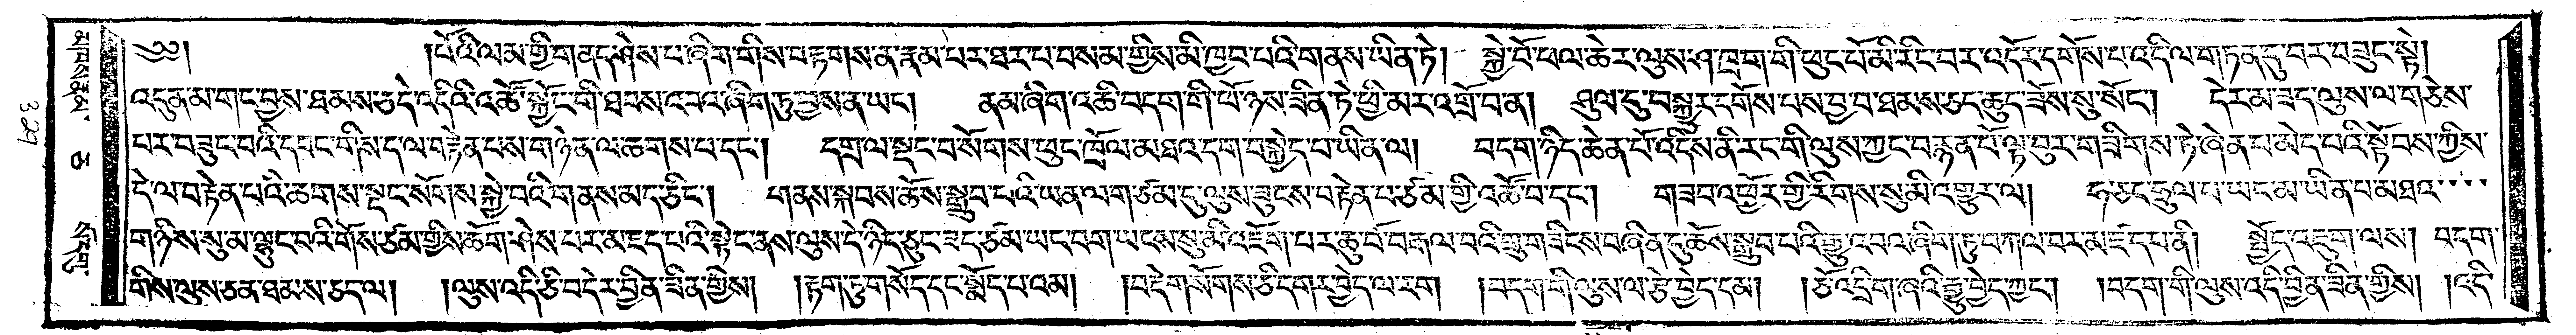༄༅། །པོའི་ལམ་གྱི་གནད་ཤེས་པ་ཞིག་གིས་བརྟགས་ན་རྣམ་པར་ཐར་པ་བསམ་གྱིས་མི་ཁྱབ་པའི་གནས་ཡིན་ཏེ། སྐྱེ་བོ་ཕལ་ཆེར་ལུས་ཤ་ཁྲག་གི་ཕུང་པོ་མི་རིང་བར་འདོར་དགོས་པ་འདི་ལ་གཏན་དུ་བར་བཟུང་སྟེ།
འདུན་མ་གང་བྱས་ཐམས་ཅདེ་འདིའི་འཚོ་སྐྱོང་གི་ཐབས་འབའ་ཞིག་ཏུ་བྱས་ན་ཡང་། ནམ་ཞིག་འཆི་བདག་གི་ཕོ་ཉས་ཟིན་ཏེ་ཕྱི་མར་འགྲོ་བ་ན། ཤུལ་དུ་བསྐྱུར་དགོས་པས་བྱ་བ་ཐམས་ཅད་ཆུད་ཟོས་སུ་སོང་། དེར་མ་ཟད་ལུས་ལ་གཅེས་
པར་བཟུང་བའི་དབང་གིས་དལ་བརྟེན་བས་གཉེན་འཚེགས་པ་དང་། དགྲ་ལ་སྡང་བ་སོགས་ཕུང་ཁྲོལ་མཐའ་དག་བསྐྱེད་པ་ཡིན་ལ། བདག་ཉིད་ཆེན་པོ་འདིས་ནི་རང་གི་ལུས་ཀྱང་བརྙན་པོ་ལྟ་བུར་གཟིགས་ཏེ་ཞེན་པ་མེད་པའི་སྟོབས་ཀྱིས་
དེ་ལ་བརྟེན་པའི་ཆགས་སྡང་སོགས་སྐྱེ་བའི་གནས་མེད་ཅིང་། གནས་སྐབས་ཆོས་སྒྲུབ་པའི་ཡན་ལག་ཙམ་དུ་ལུས་ཟུངས་བརྟེན་པ་ཙམ་གྱི་འཚོ་བ་དང་། གཟབ་འཕྱོར་གྱི་རིགས་སུ་མི་འགྱུར་ལ། ཧ་ཅང་ཧྲུལ་པ་ཡང་མ་ཡིན་པ་མཐའ་
གཉིས་སུ་མ་ལྷུང་བའི་གོས་ཙམ་གྱིས་ཆོག་ཤེས་པར་མཛད་པའི་སྟེང་ནས་ལུས་དེ་ཉིད་ཅུང་ཟད་ཙམ་ཡང་བག་?ས་སུ་མི་འཇོག་པར་ཆུ་བོ་བརྒལ་བའི་གྲུ་གཟིངས་བཞིན་དུ་ཆོས་སྒྲུབ་པའི་རྒྱུ་འབའ་ཞིག་ཏུ་བཀལ་བར་མཛད་པ་ནི། སྤྱོད་འཇུག་ལས། བདག་
གིས་ལུས་ཅན་ཐམས་ཅད་ལ། །ལུས་འདི་ཅི་བདེར་བྱིན་ཟིན་གྱིས། །རྟག་ཏུ་གསོད་དང་སྨོད་པའམ། །བརྡེག་སོགས་ཅི་དགར་བྱེད་ལ་རག །བདག་གི་ལུས་ལ་རྩེ་བྱད་དམ། །ཅོ་འདྲིག་ཞའི་རྒྱུ་བྱེད་ཀྱང་། །བདག་གི་ལུས་འདི་བྱིན་ཟིན་གྱིས། །འདི་